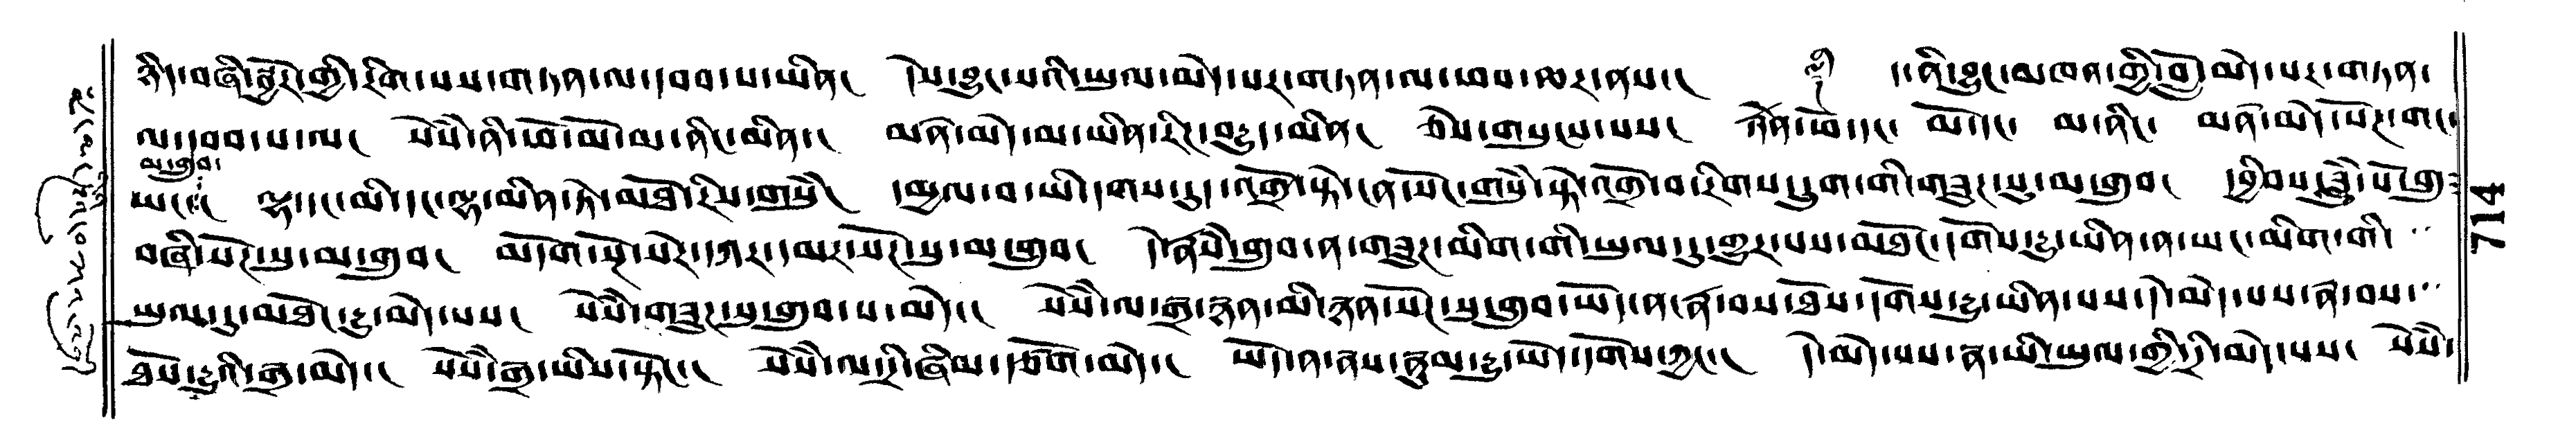ཉིད་བཞི་སྦྱོར་གྱི་རིགས་པས་གཏན་ལ་དབབ་པ་ཡིན། དེས་བྱུང་སའི་ཡུལ་མེད་པར་གཏན་ལ་ཕབ་ཚར་ནས། ༈ ད་ནི་བྱུང་མཁན་གྱི་བློ་མེད་པར་གཏན་
ལ་དབབ་པ་ལ། སེམས་ནི་ཕོ་མོ་མ་ནིང་མིན། །མཚན་མེད་མ་ཡིན་རིགས་བརྒྱུད་མིན། ཅེས་གསུངས་པས། རྟེན་ཕོ་དང་། མོ་དང་། མ་ནིང་། མཚན་མེད་སོགས་གང་
ཡང་མ་གྲུབ། ལྷ་དང་མི་དང་ལྷ་མིན་ཏེ་མཐོ་རིས་གསུམ། དམྱལ་བ་ཡི་དགས་དུད་འགྲོ་སྟེ་ངན་སོང་གསུམ་སྟེ་འགྲོ་བ་རིགས་དྲུག་གི་གཟུགས་སུ་མ་གྲུབ། དབྱིབས་ཟླུམ་པོ་གྲུ་
བཞི་སོགས་སུ་མ་གྲུབ། མདོག་སྔོ་སེར་དཀར་དམར་སོགས་སུ་མ་གྲུབ། དེ་རྣམས་གྲུབ་ན་གཟུགས་མིག་གི་ཡུལ་དུ་གྱུར་པས་མཐོང་དགོས་རྒྱུ་ཡིན་ན་ཡང་མིག་གི་
ཡུལ་དུ་མཐོང་རྒྱུ་མེད་པས།སེམས་གཟུགས་སུ་གྲུབ་པ་མེད། སེམས་ལ་སྒྲ་སྙན་མི་སྙན་སོགས་སུ་གྲུབ་ཡོད་ན་རྣ་བས་ཐོས་དགོས་རྒྱུ་ཡིན་པས་དེ་མེད་པས་སྣ་བས་ཐོས་རྒྱུའི་སྒྲ་མེད། སེམས་སྒྲ་ཡིས་སྟོང་། སེམས་ལ་དྲི་ཞིམ་རྩོག་མེད། སེམས་ལ་སྒྲ་སྙན་མི་སྙན་སོགས་སུ་གྲུབ་ཡོད་ན་རྣ་བས་ཐོས་དགོས་རྒྱུ་ཡིན་པས་དེ་མེད་པས་སྣ་བས་
ཐོས་རྒྱུའི་སྒྲ་མེད། སེམས་སྒྲ་ཡིས་སྟོང་། སེམས་ལ་དྲི་ཞིམ་རྩོག་མེད། ཡོད་ན་སྣས་བསྣོམ་རྒྱུ་ཡོད་དགོས་ཀྱང་། དེ་མེད་པས་སྣ་ཡི་ཡུལ་གྱི་དྲི་མེད་པས། སེམས་